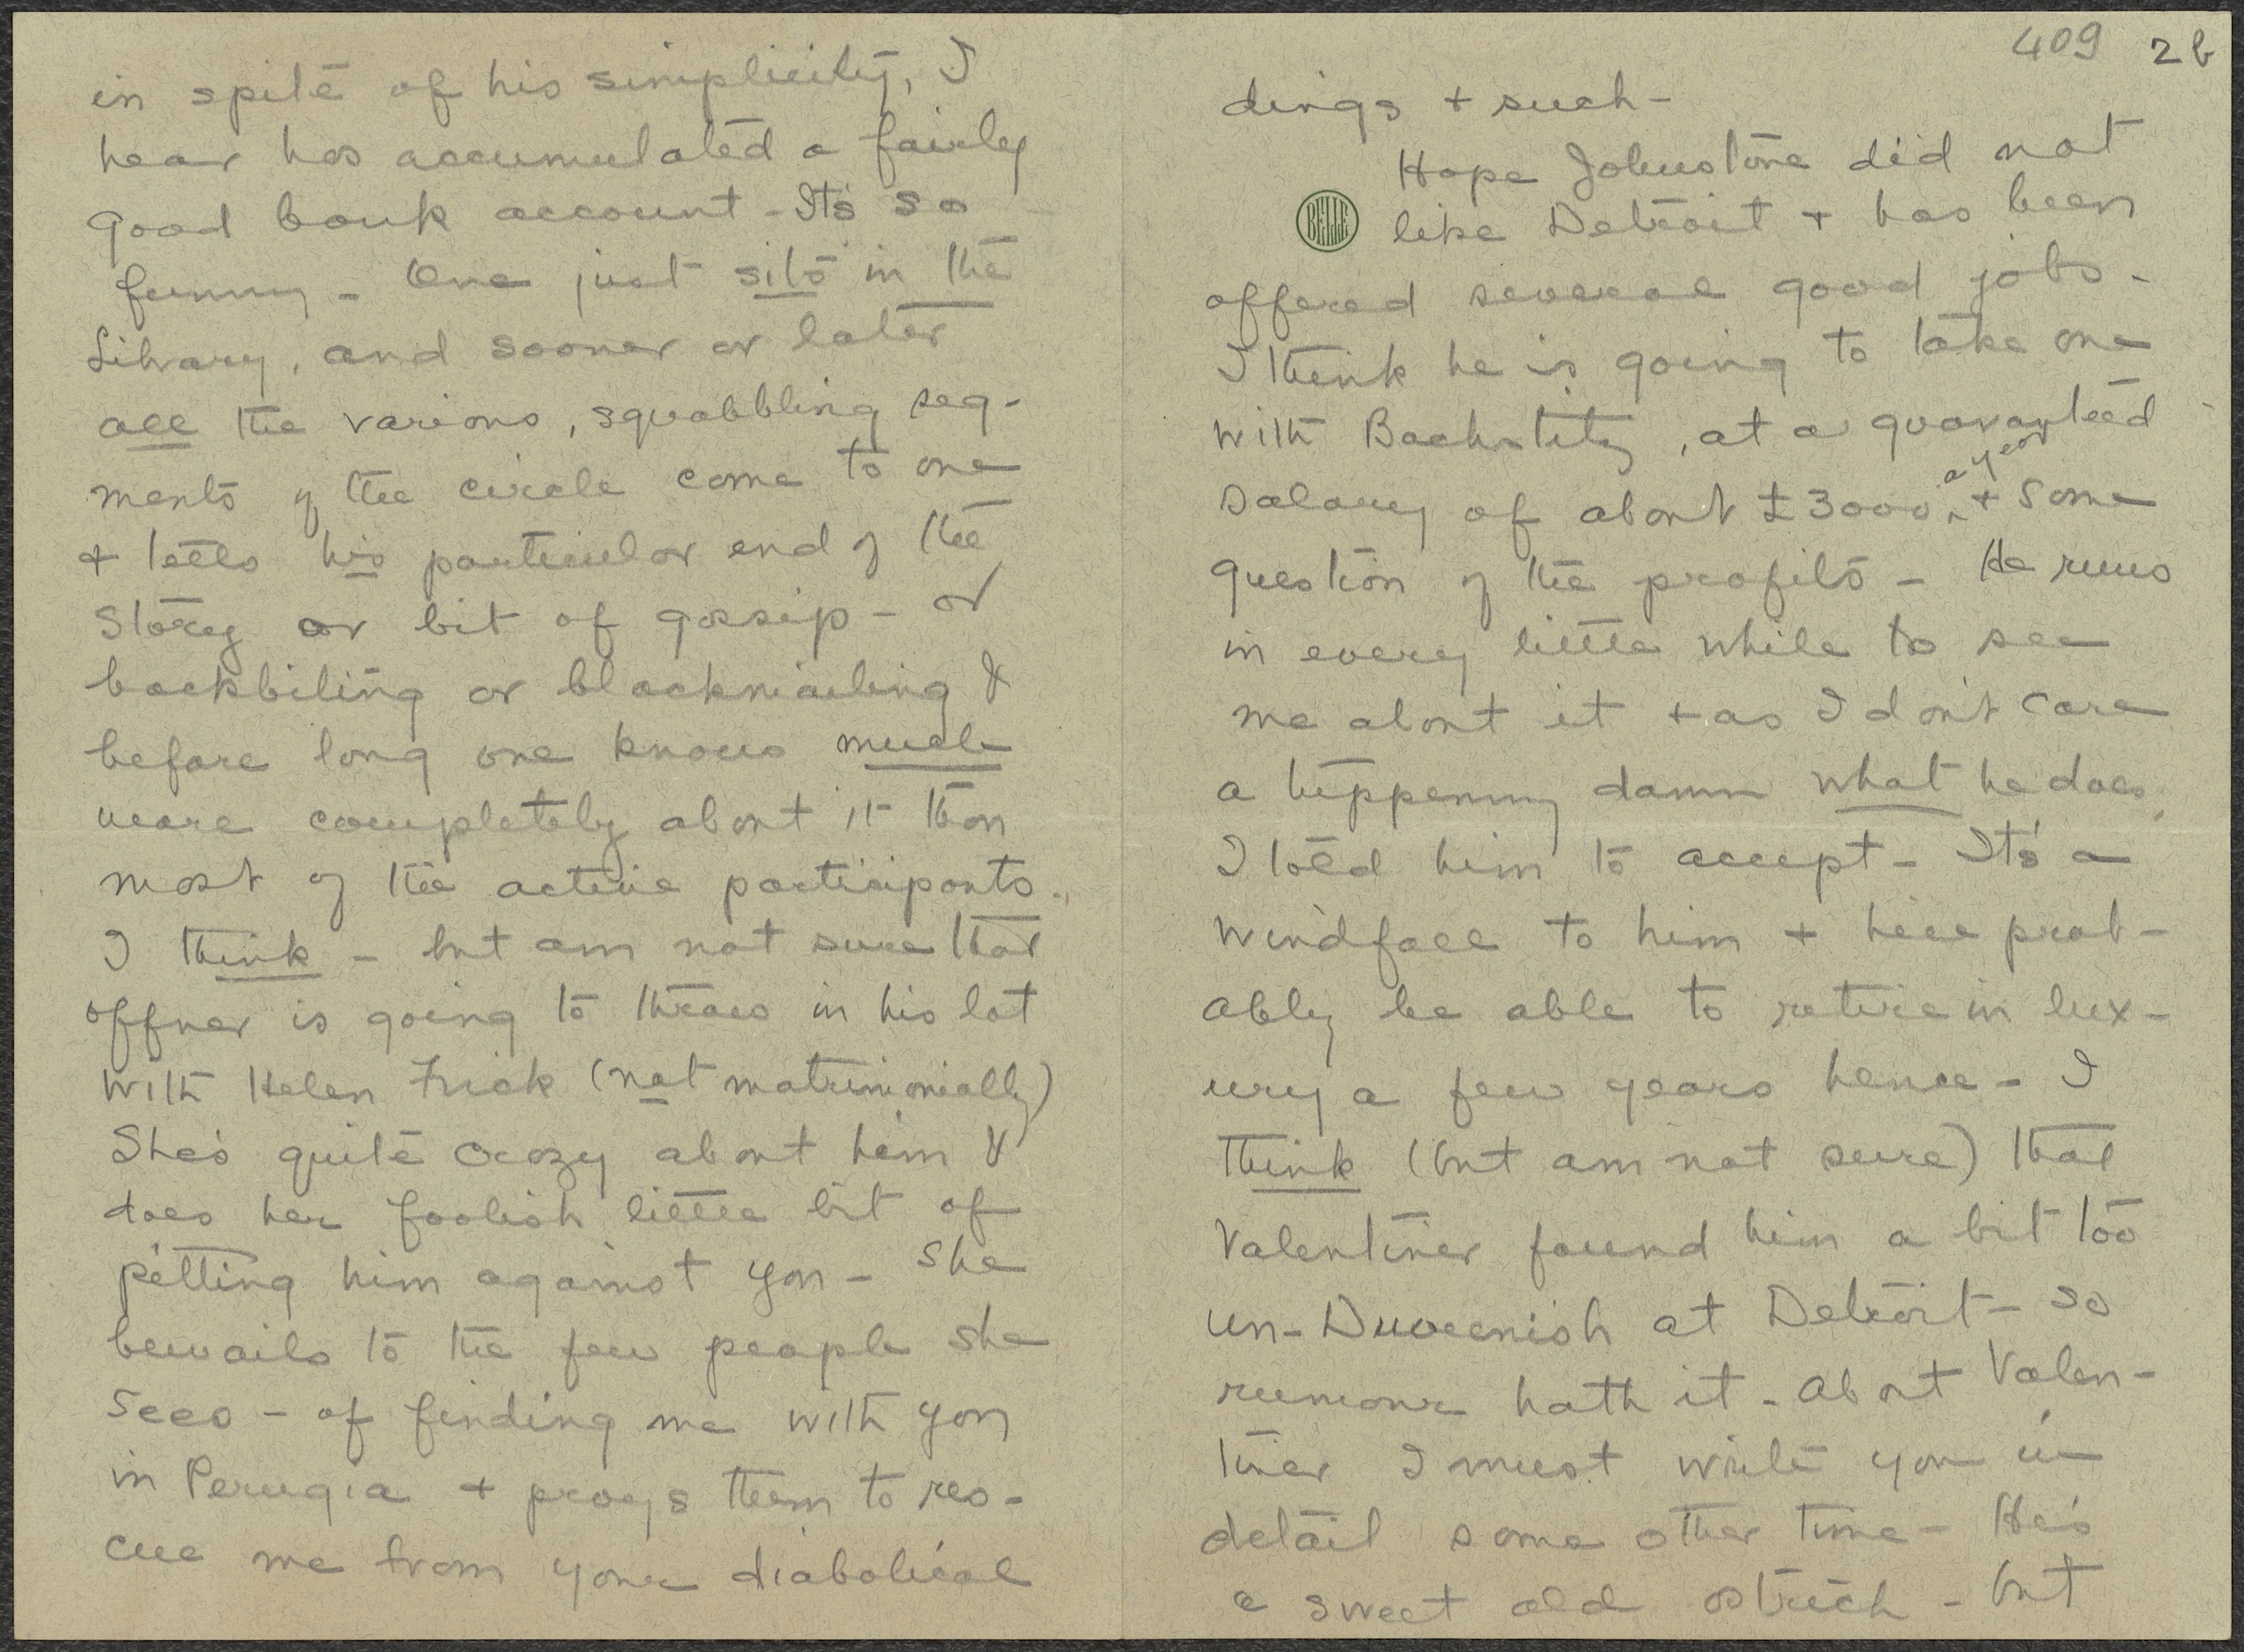& such –
Hope Johnstone did not like Detroit & has been offered several good jobs – I think he is going to take one with Bachstitz, at a guaranteed salary of about £3000 [^a year^] & some question of the profits – He runs in every little while to see me about it & as I don’t care a tuppenny damn what he does, I told him to accept – It’s a windfall to him & he’ll probably be able to retire in luxury a few years hence – I think (but am not sure) that Valentiner found him a bit too un-Duveenish at Detroit – so rumour hath it – about Valentiner I must write you in detail some other time – He’s a sweet old ostrich – but
in spite of his simplicity, I hear has accumulated a fairly good bank account – It’s so funny – One just sits in the Library, and sooner or later all the various, squabbling segments of the circle come to one & tells his particular end of the story or bit of gossip – or backbiting or blackmailing & before long one knows much more completely about it than most of the active participants.
I think – but am not sure that Offner is going to throw in his lot with Helen Frick (not matrimonially) She’s quite crazy about him & does her foolish little bit of pitting him against you – She bewails to the few people she sees – of finding me with you in Perugia & prays them to rescue me from your diabolical